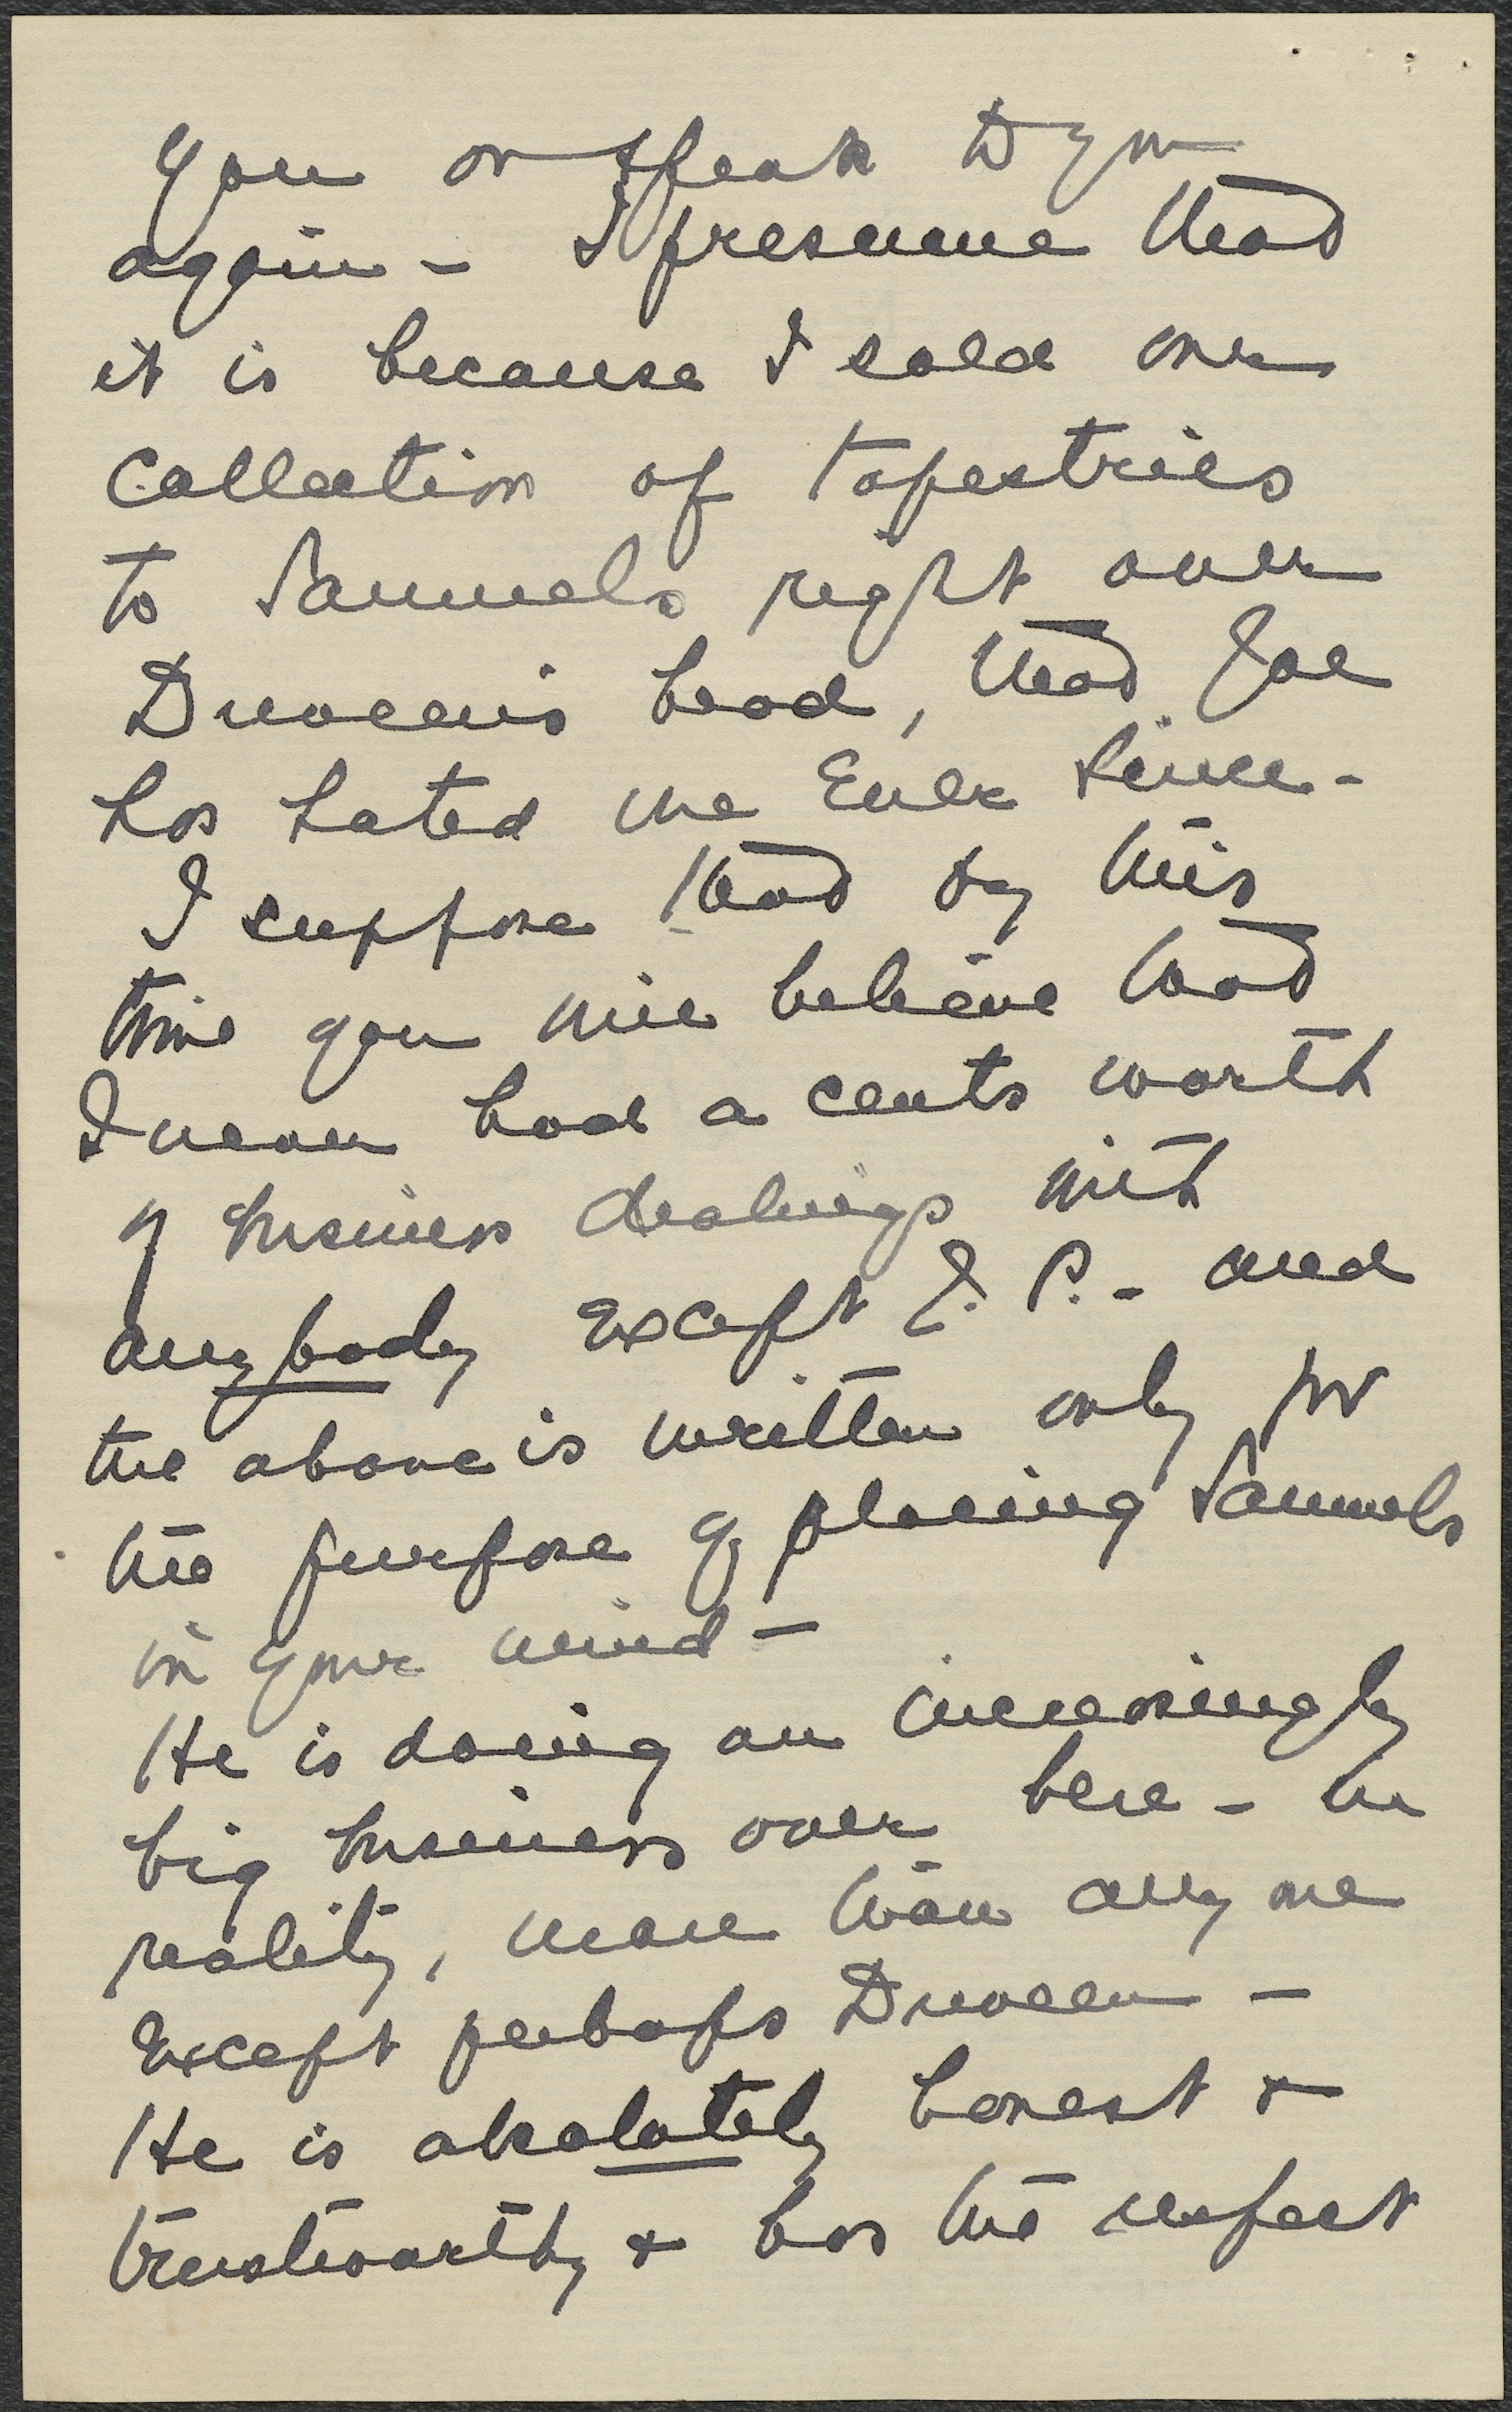you or speak to you again – I presume that it is because I sold our collection of tapestries to Samuels right over Duveen's head, that Joe has hated me ever since –
I suppose that by this time you will believe that I never had a cents worth of business dealings with anybody except J.P. – and the above is written only for the purpose of placing Samuels in your mind –
He is doing an increasingly big business over here – in reality, more than any one except perhaps Duveen – he is absolutely honest & trustworthy & has the respect